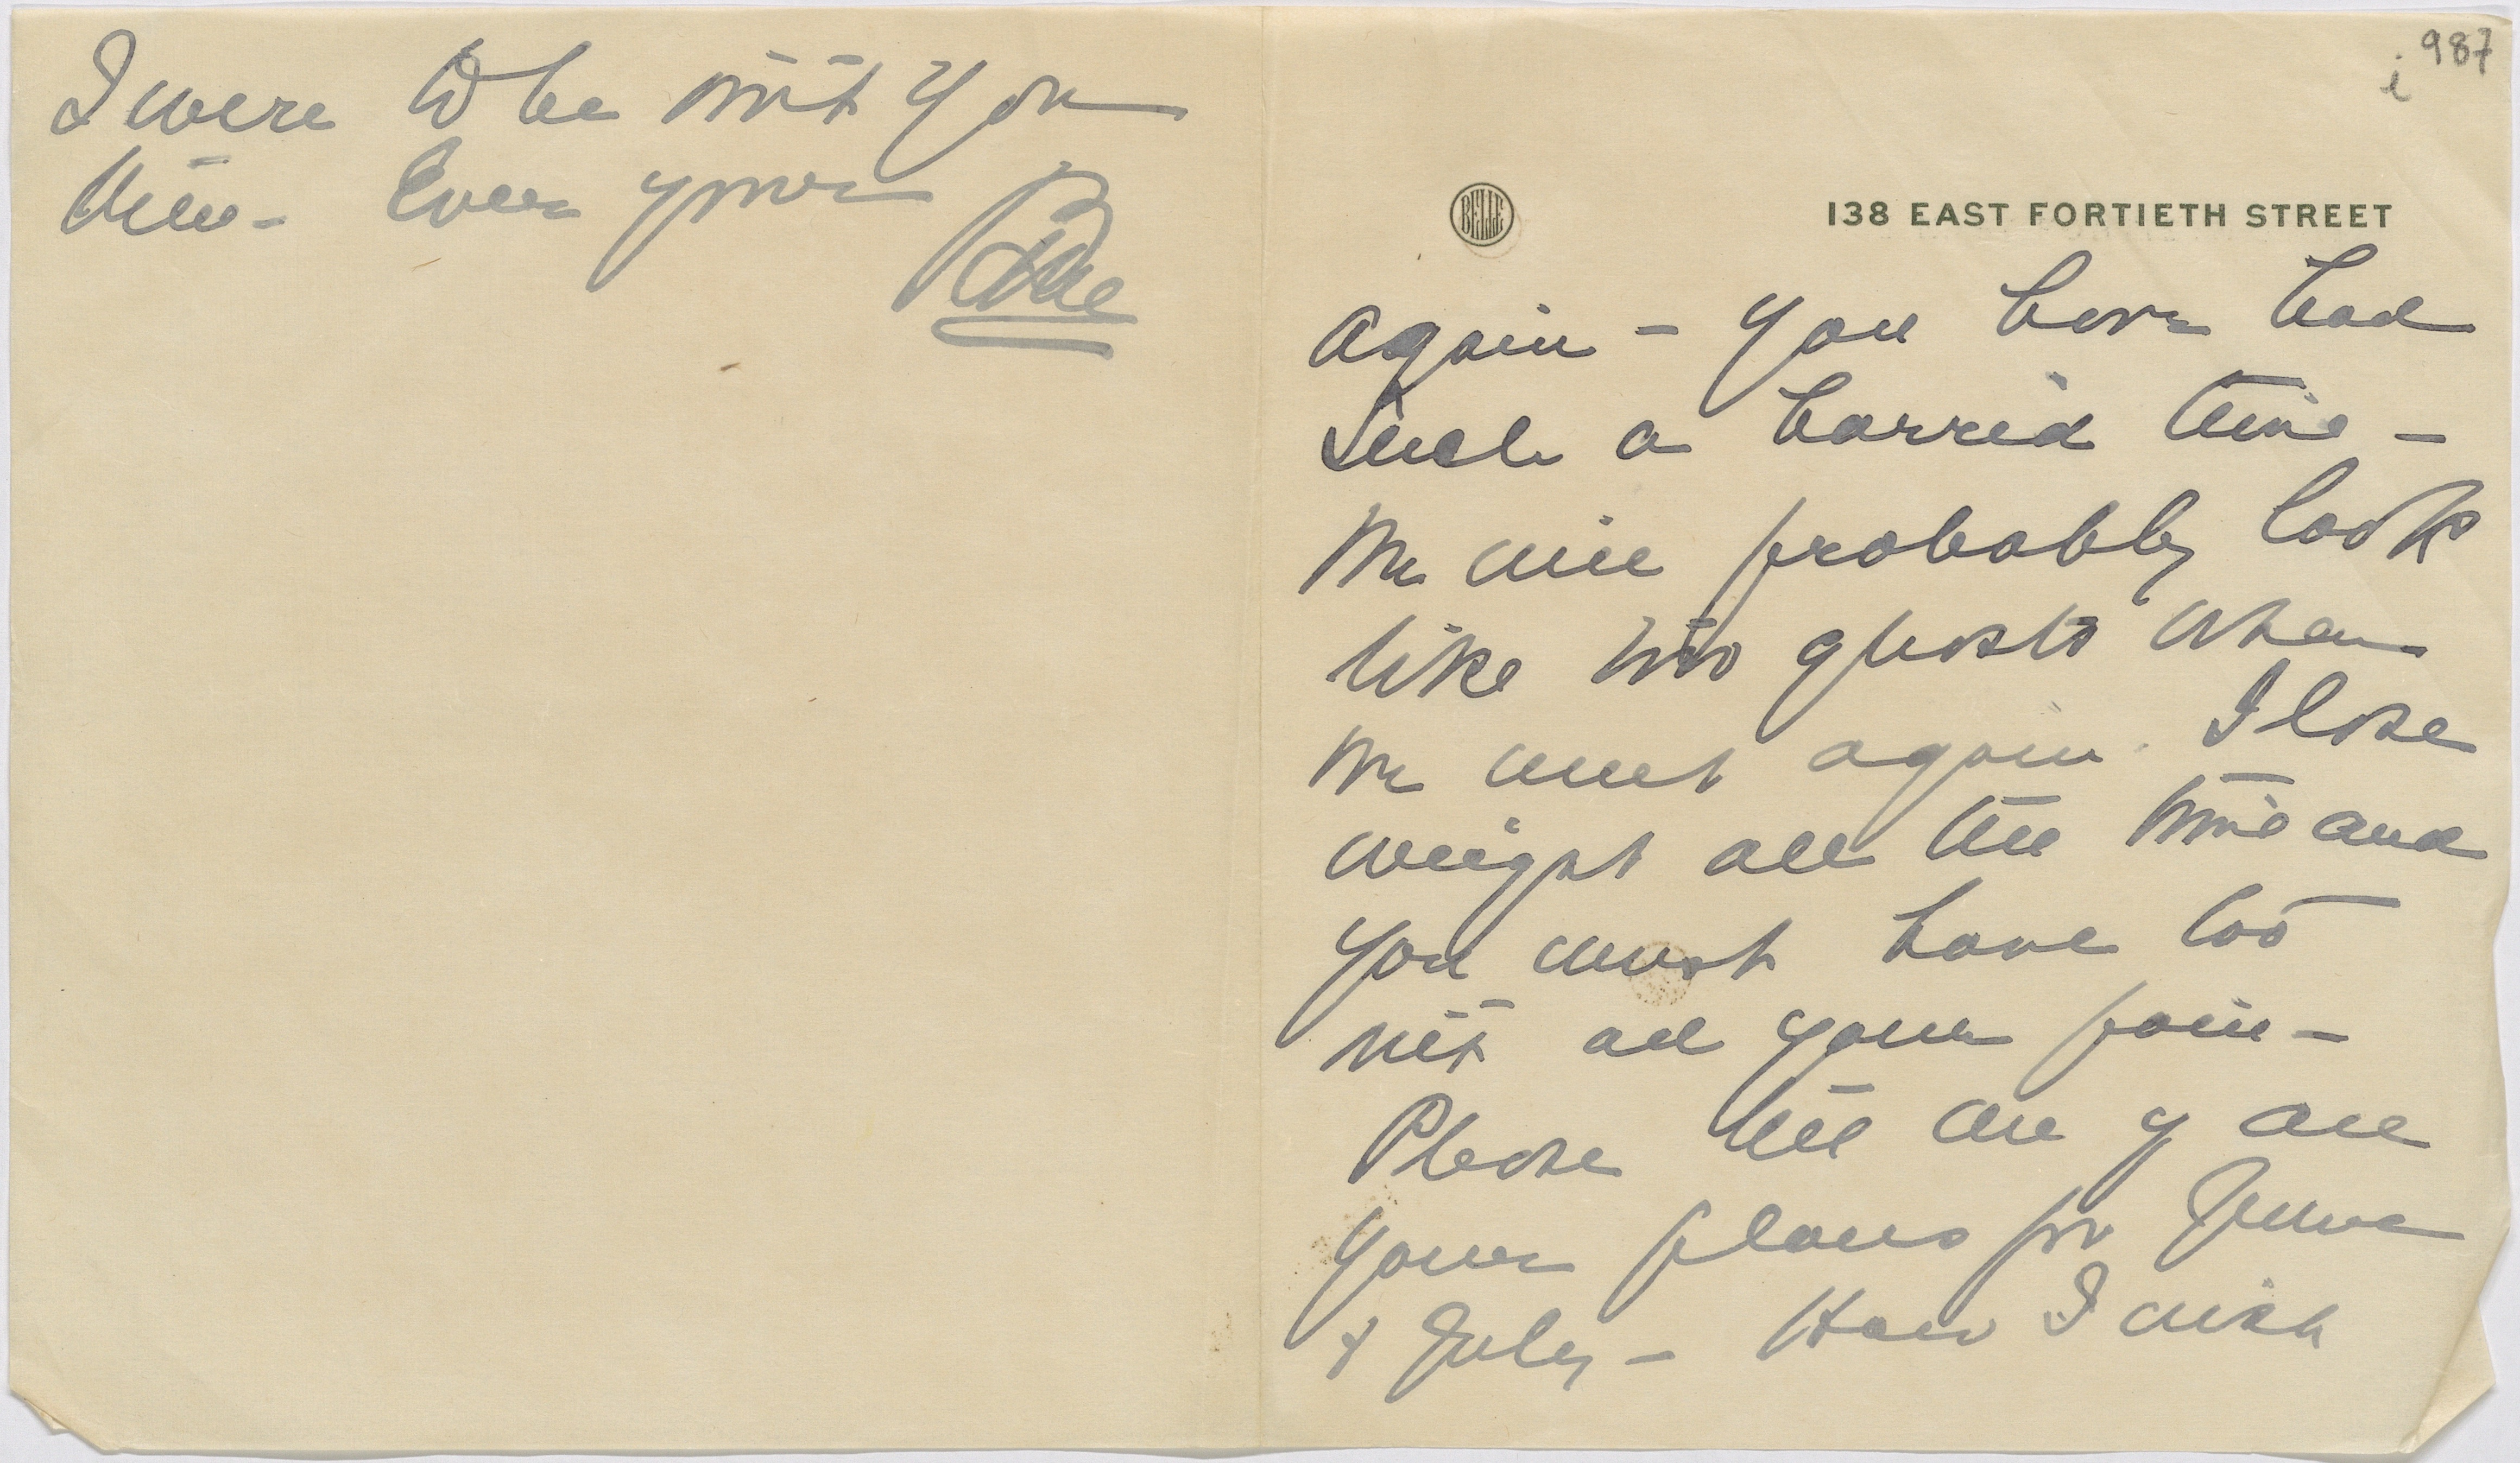again – You have had such a horrid time – We will probably look like two ghosts when we meet again. I lose weight all the time and you must have too with all your pain –
Please tell me all your plans for June & July – How I wish
I were to be with you there – Ever your Belle